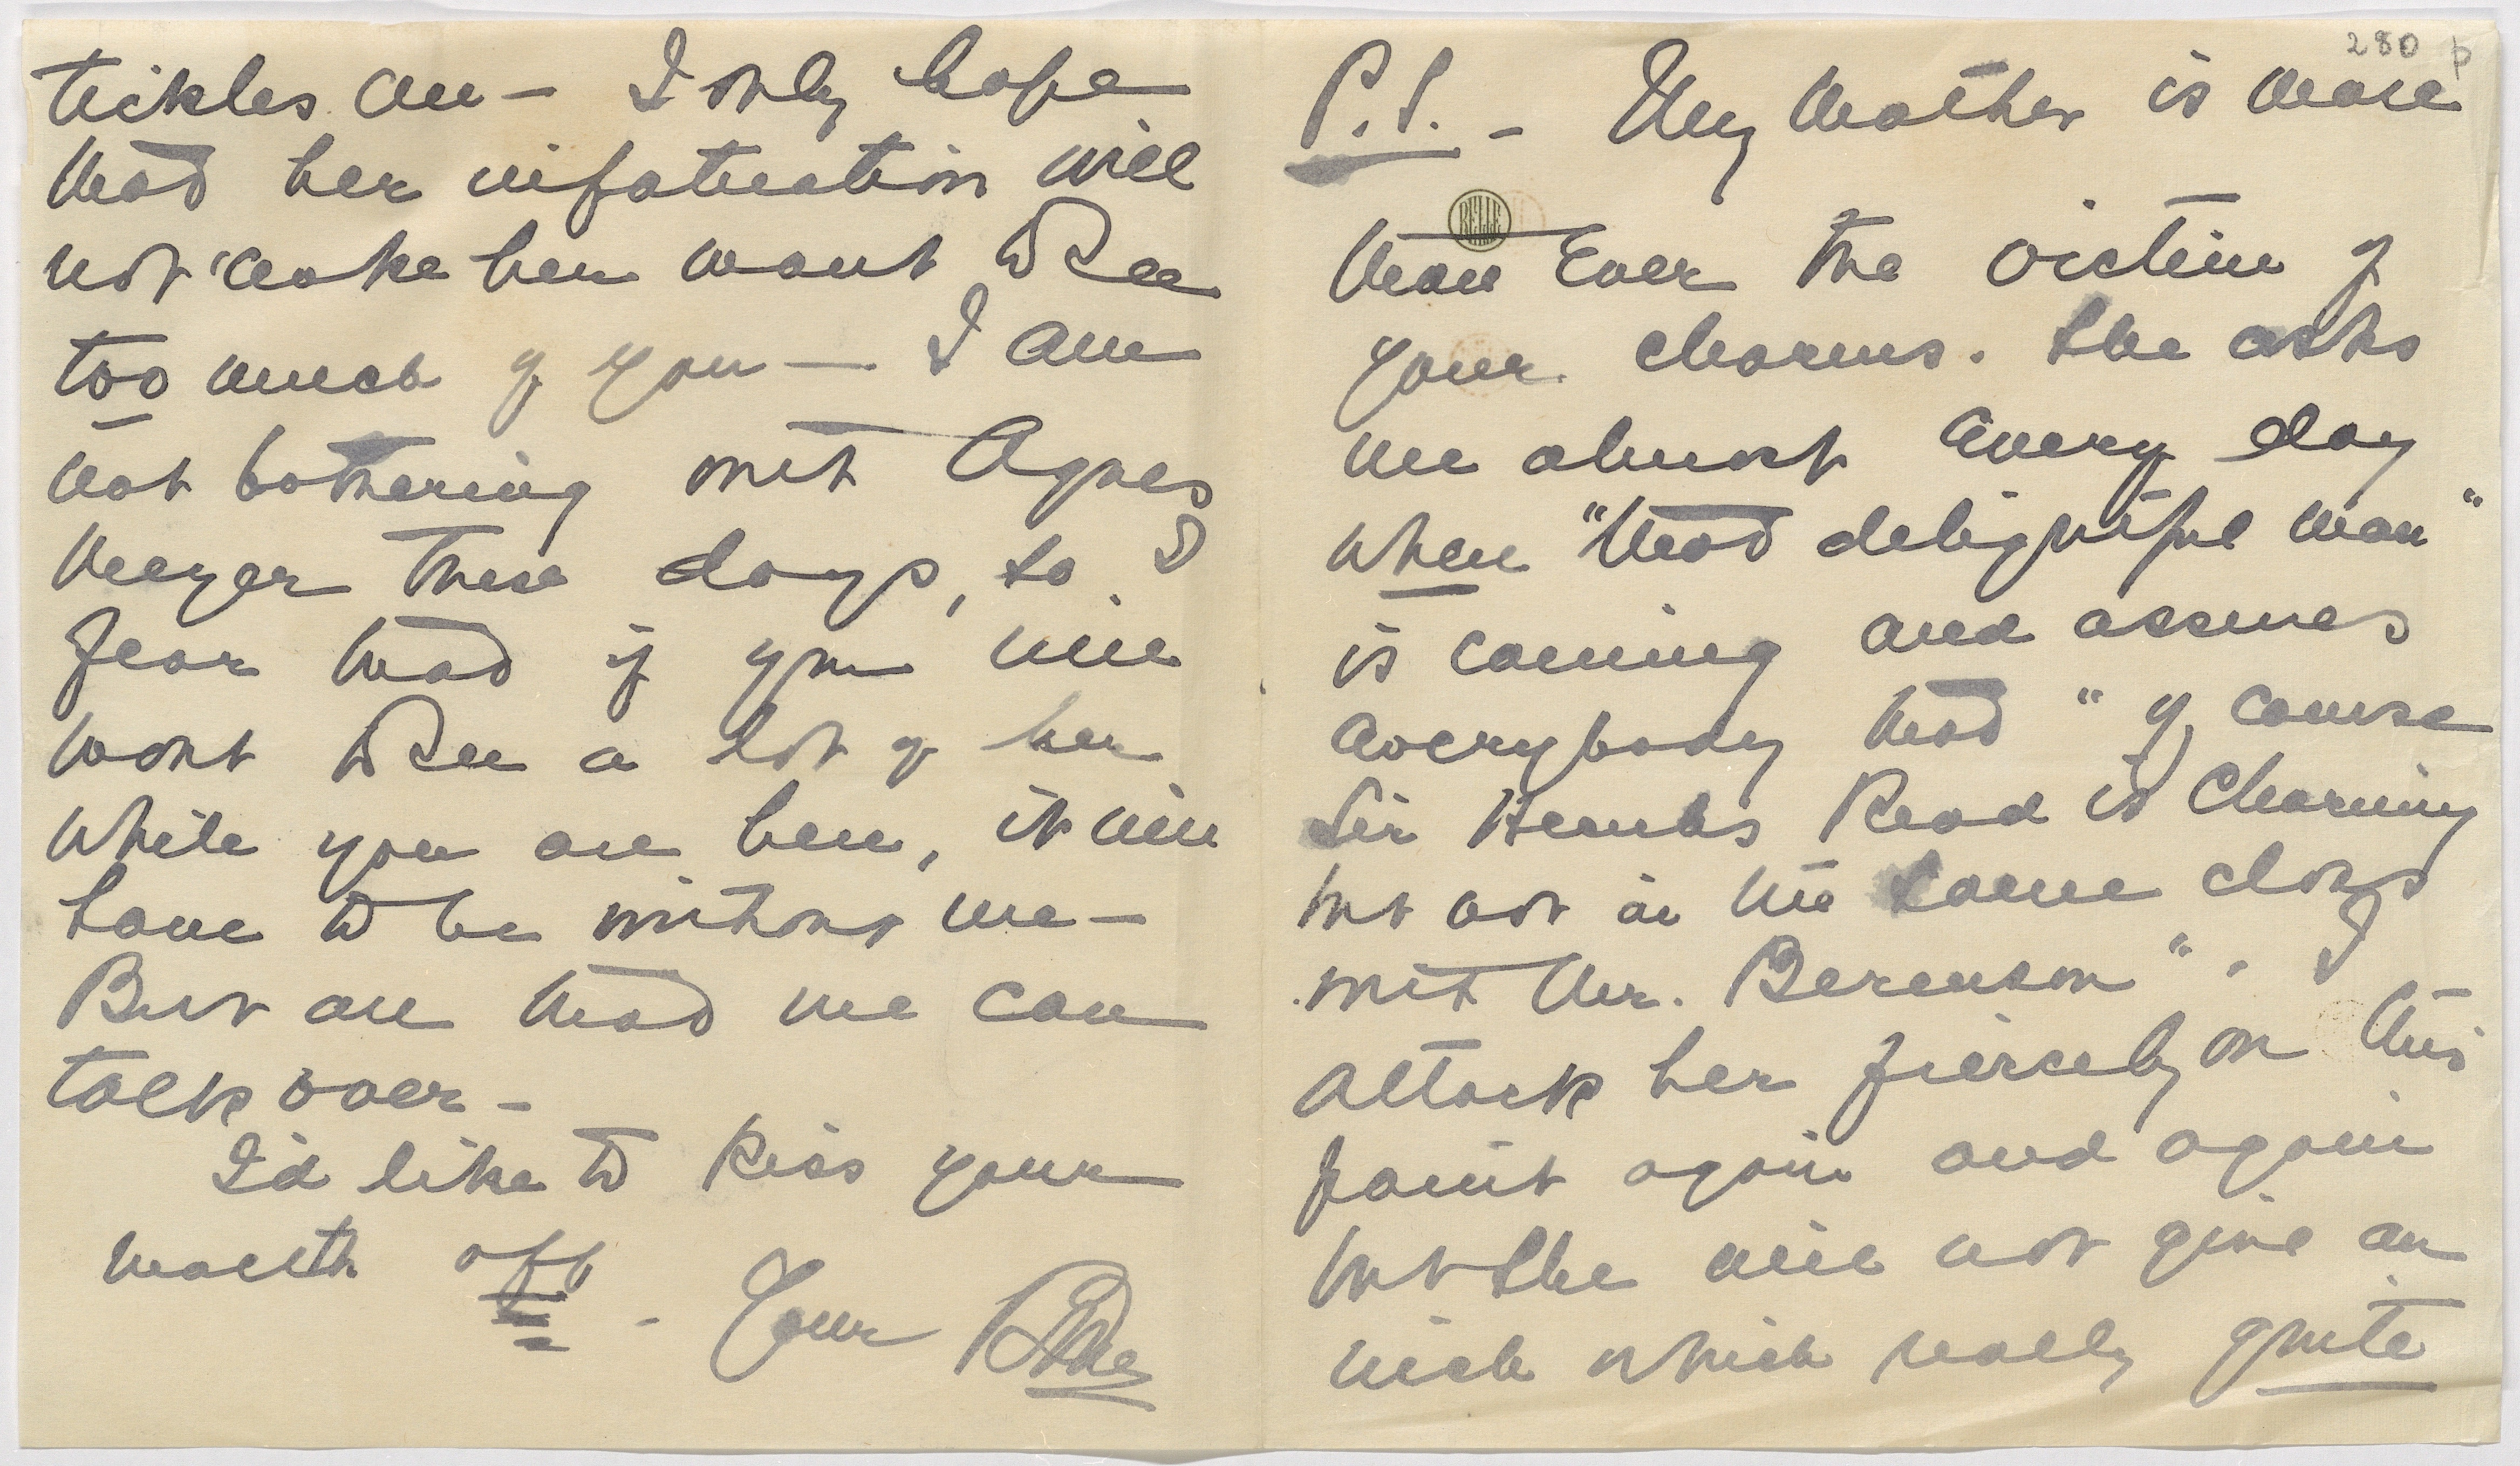P.S. – My mother is more than ever the victim of your charms. She asks me almost every day when “that delightful man” is coming and assures everybody that “of course Sir Hercules Read is charming but not in the same class with Mr. Berenson”. I attack her fiercely on this point again and again but she will not give an inch which really quite
tickles me – I only hope that her infatuation will not make her want to see too much of you –
I am not bothering with Agnes Meyer these days, so I fear that if you will want to see a lot of her while you are here, it will have to be without me –
But all that we can talk over –
I’d like to kiss your mouth [triple underlined: off] –
Your Belle